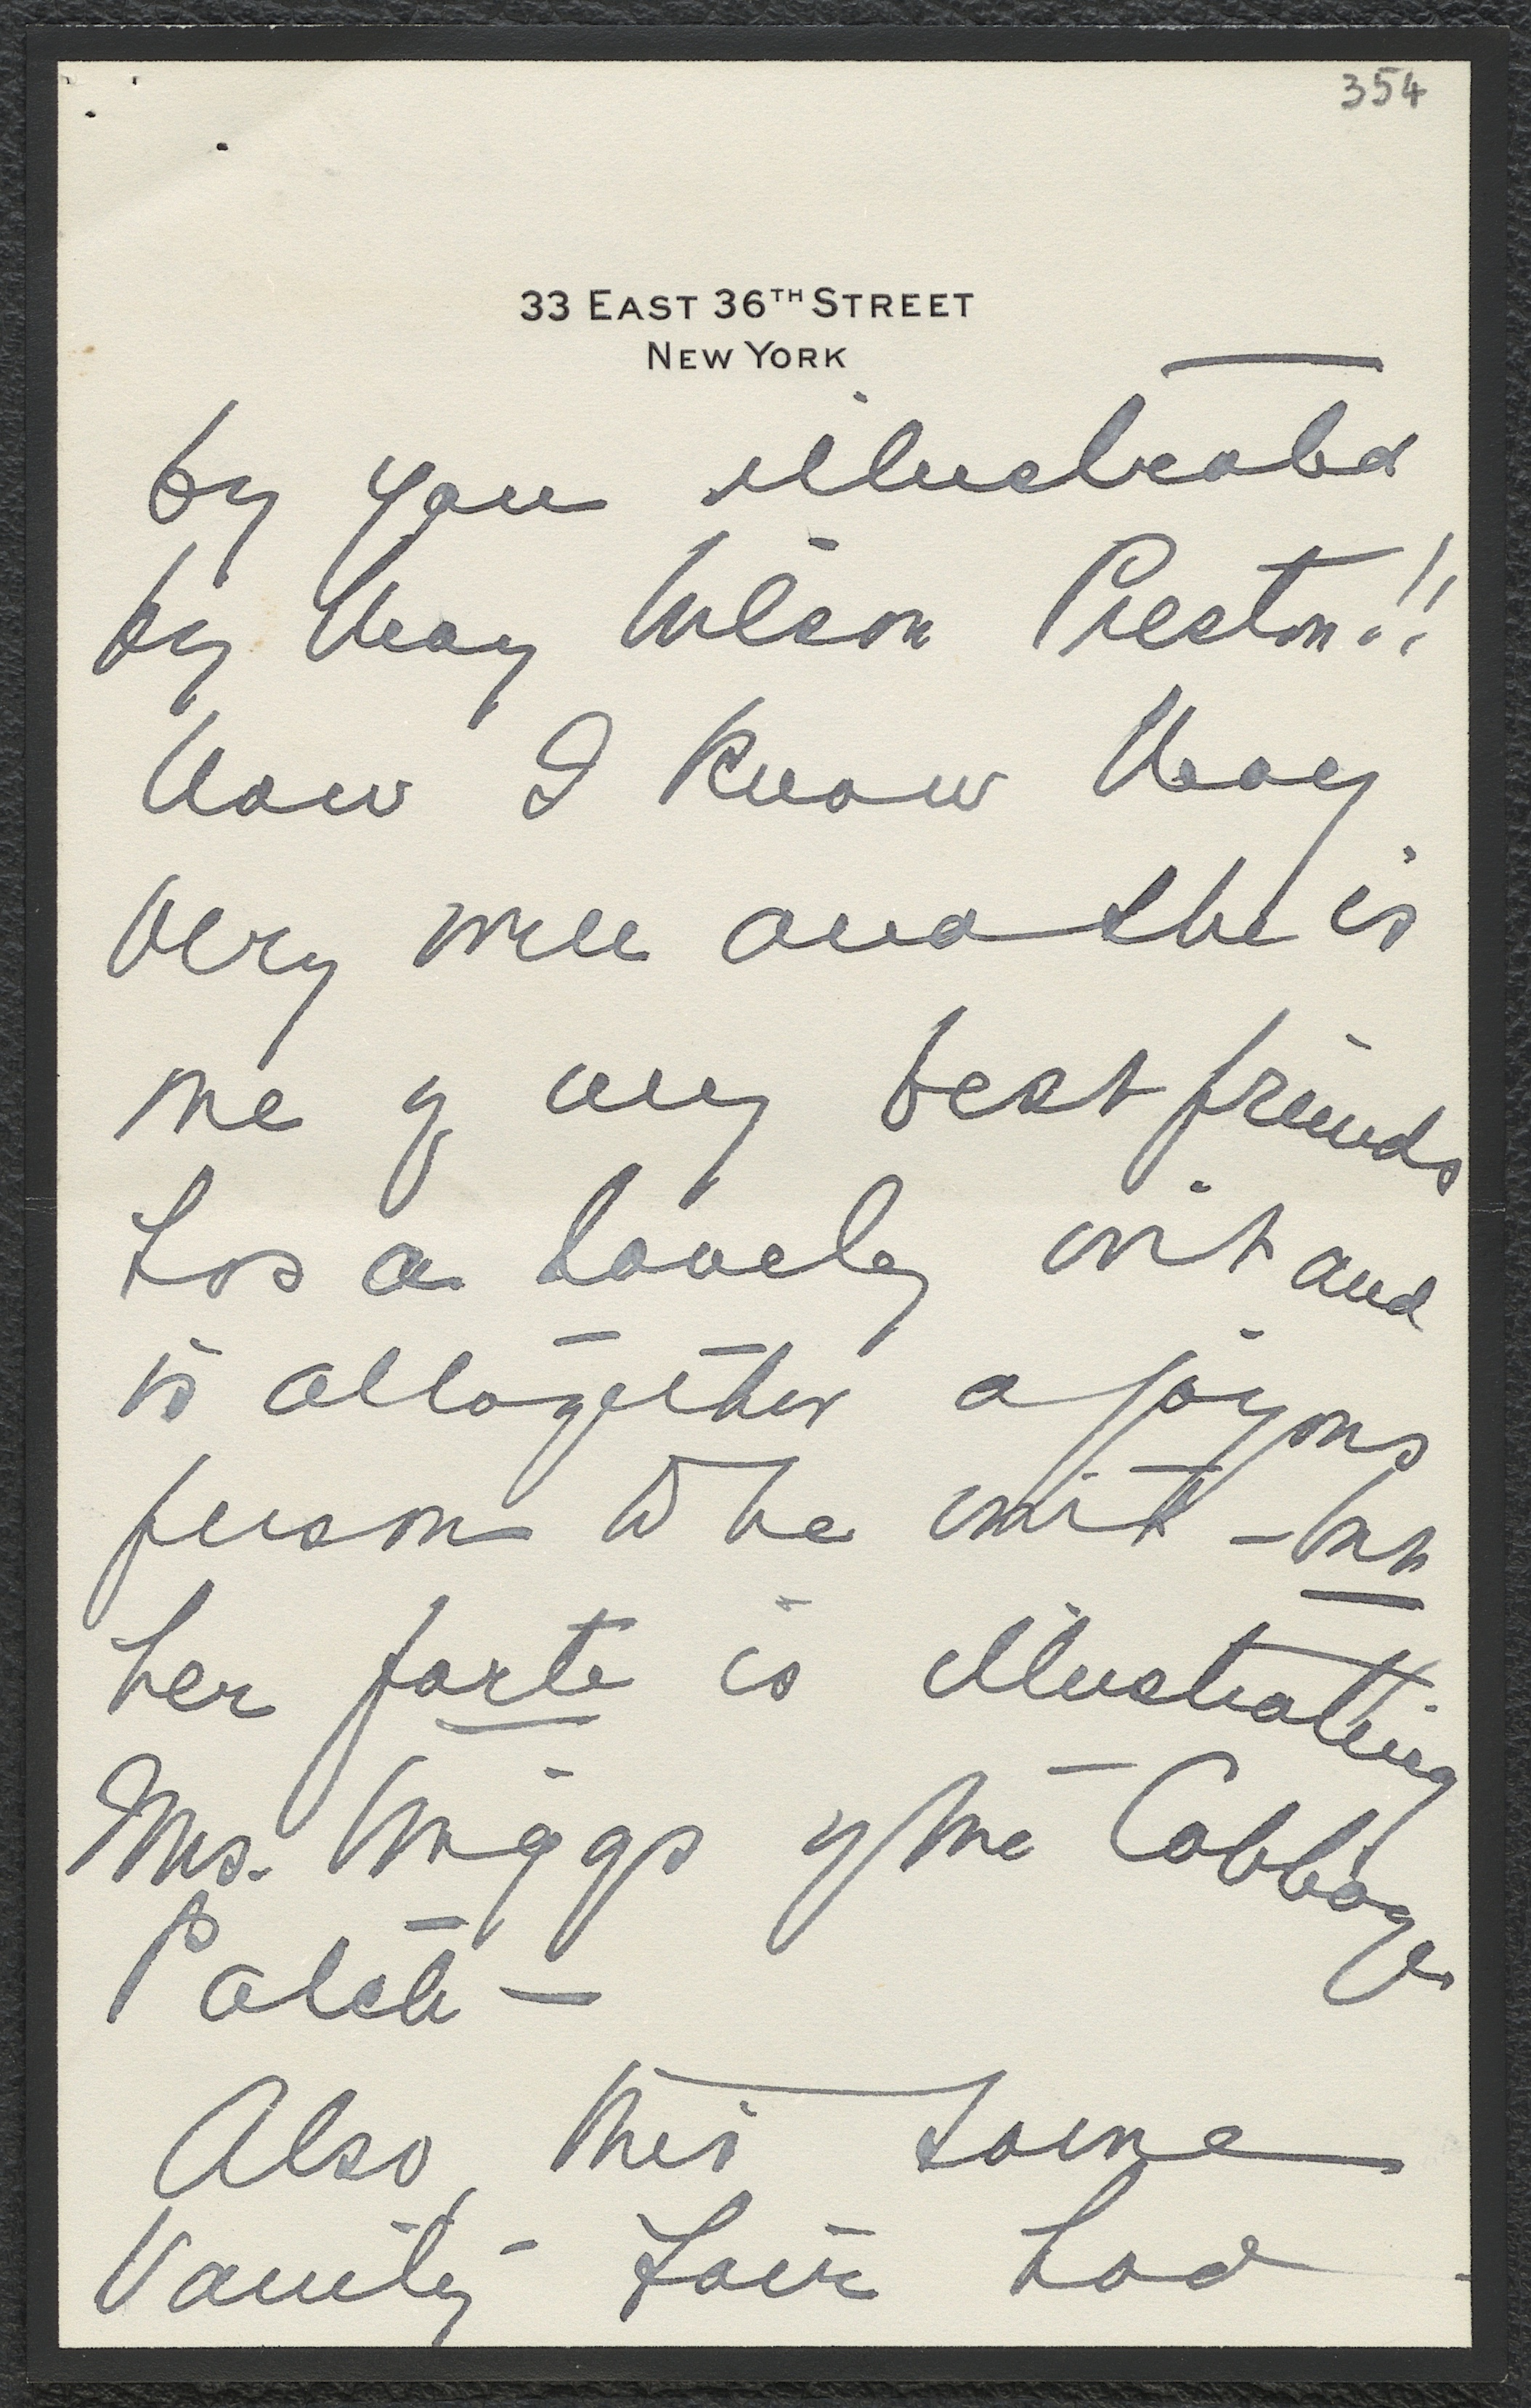by you illustrated by May Wilson Preston!! Now I know May very well and she is one of my best friends has a lovey wit and is altogether a joyous person to be with – but her forte is illustrating Mrs. Wiggs of the Cabbage Patch –
Also this same Vanity-Fair had